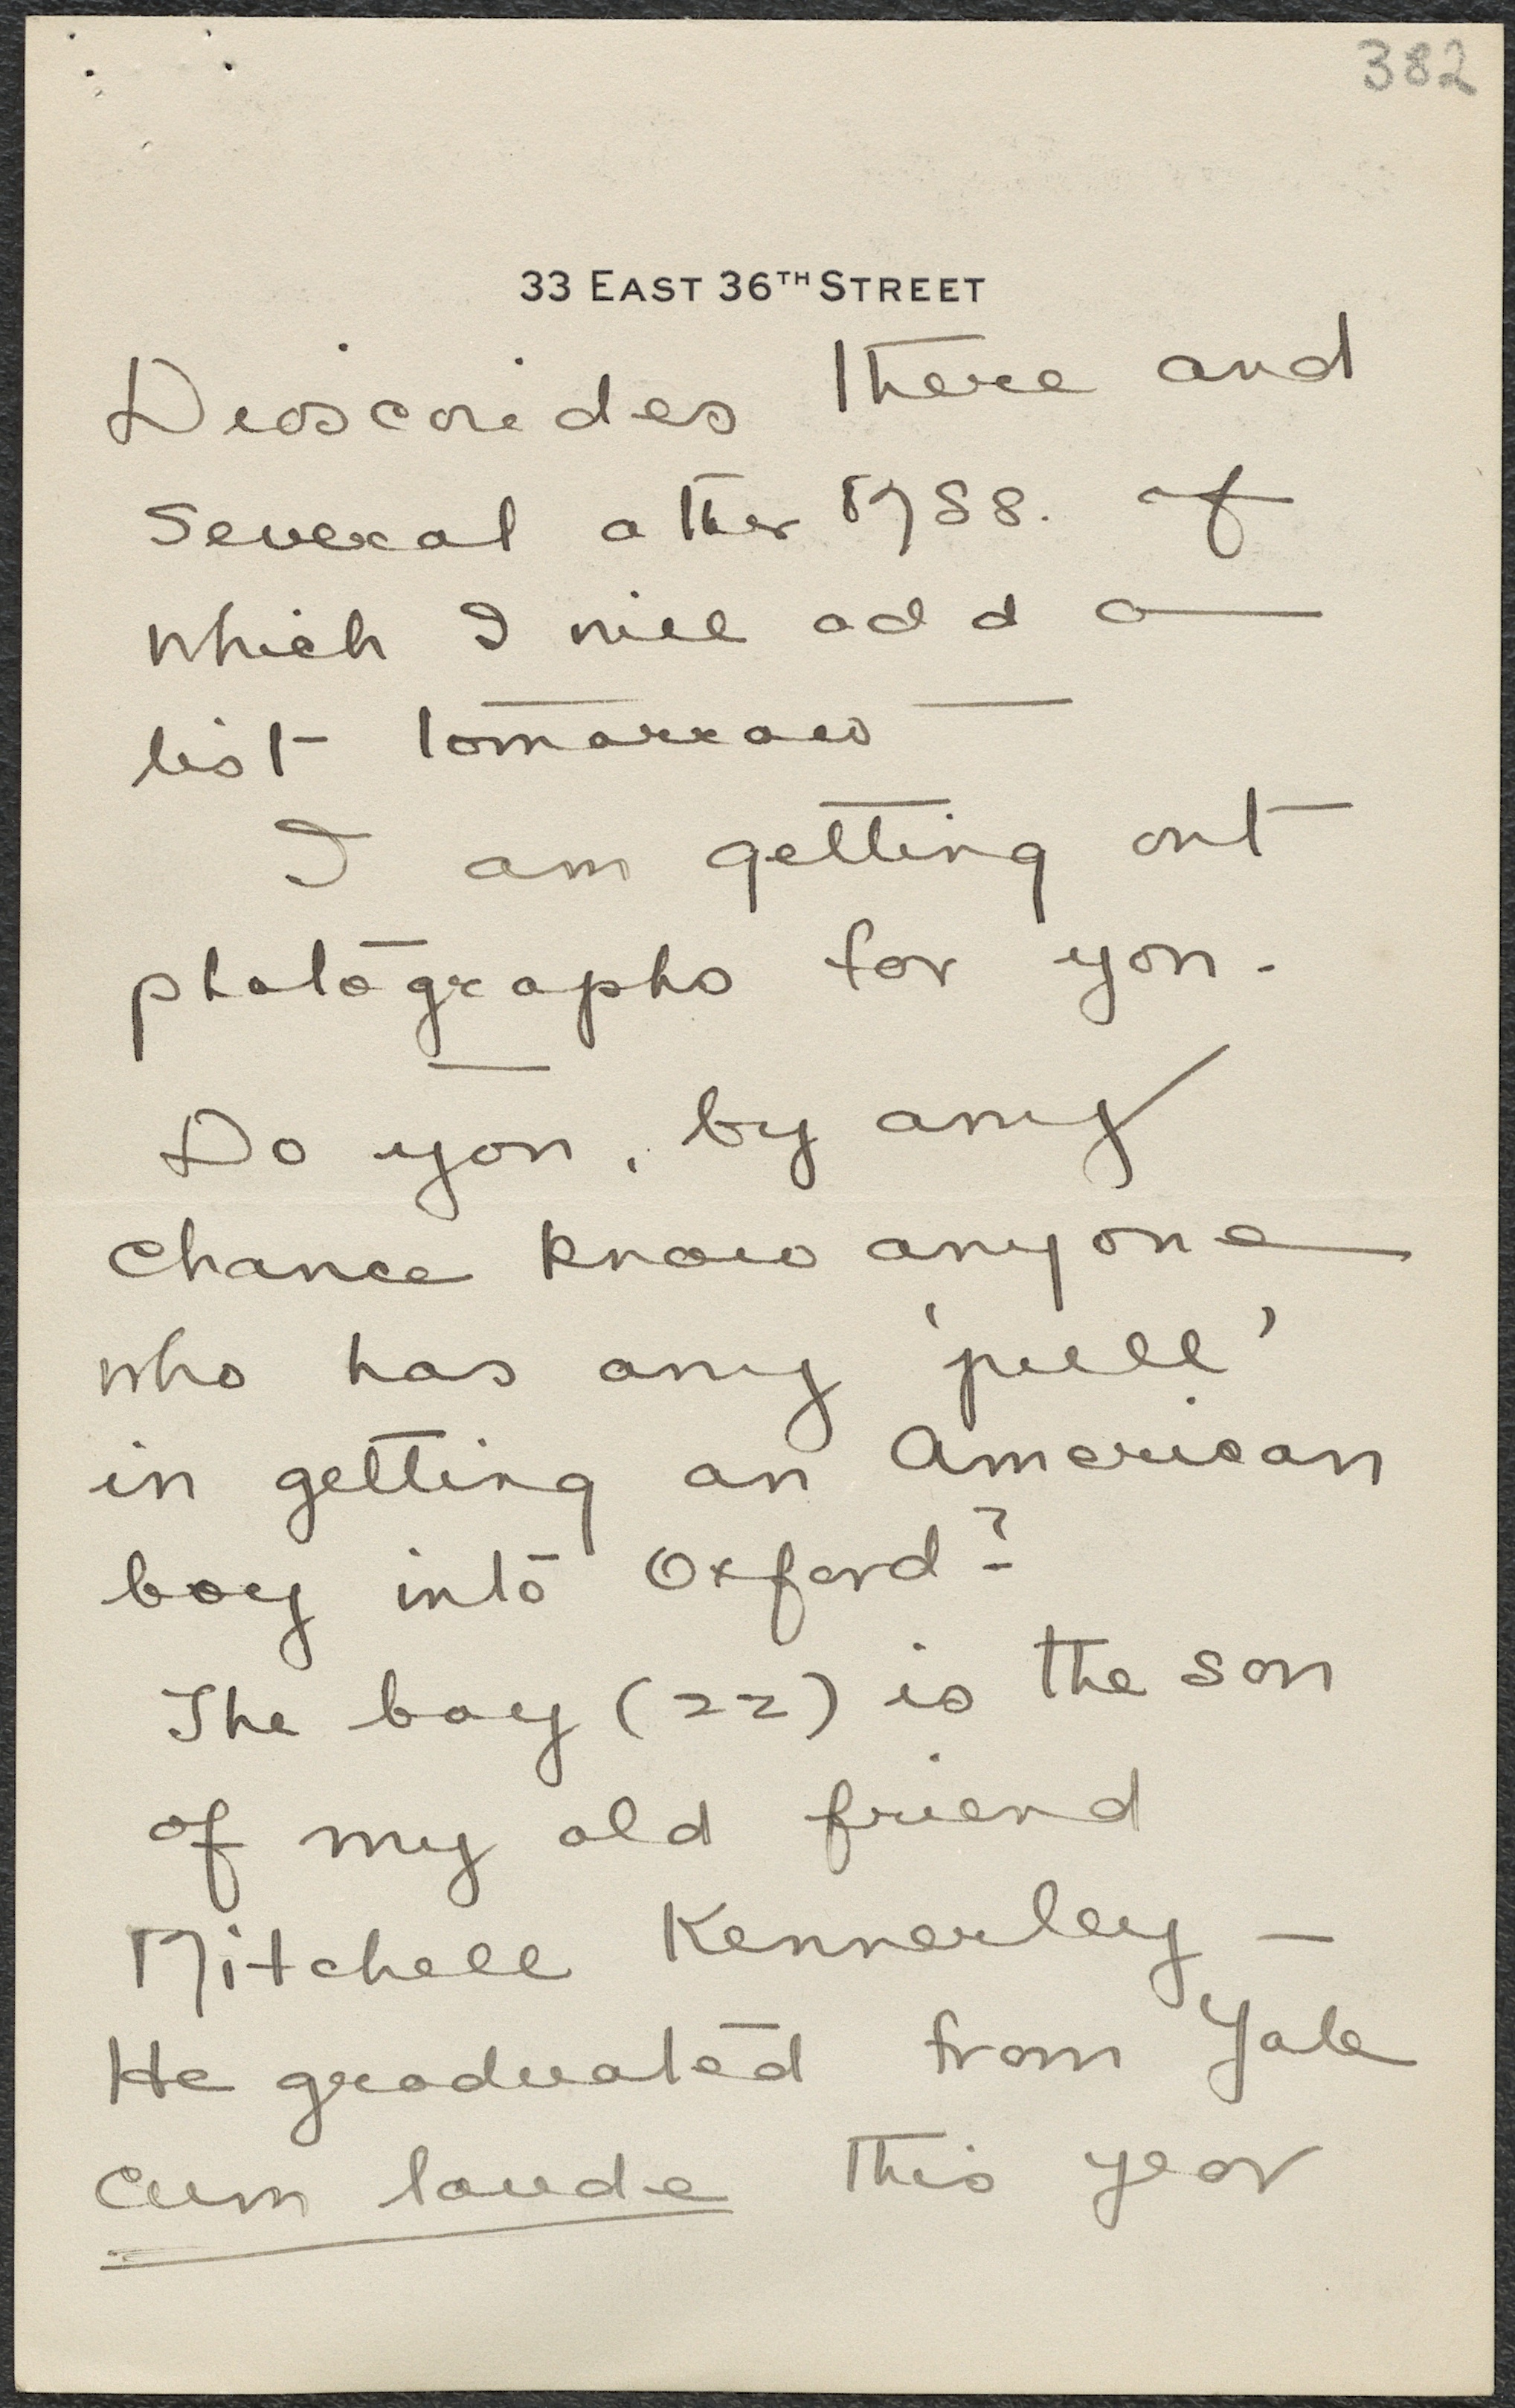Dioscorides there and several other MSS., of which I will add a list tomorrow –
I am getting out photographs for you.
Do you, by any chance know anyone who has any ‘pull’ in getting an American boy into Oxford?
The boy (22) is the son of my old friend Mitchell Kennerley – he graduated from Yale cum laude this year